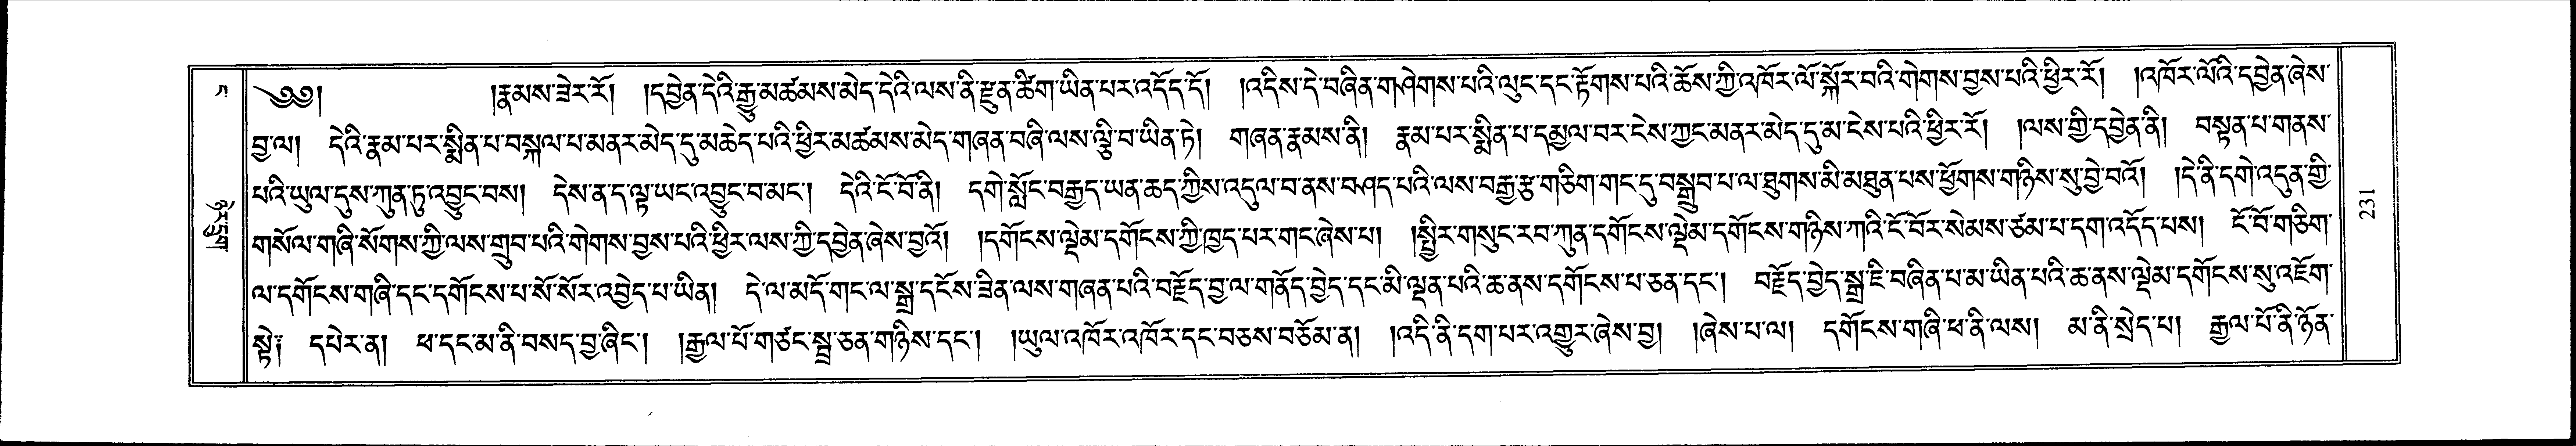༄༅། །རྣམས་ཟེར་རོ། །དབྱེན་དེའི་རྒྱུ་མཚམས་མེད་དེའི་ལས་ནི་རྫུན་ཚིག་ཡིན་པར་འདོད་དོ། །འདིས་དེ་བཞིན་གཤེགས་པའི་ལུང་དང་རྟོགས་པའི་ཆོས་ཀྱི་འཁོར་ལོ་སྐོར་བའི་གེགས་བྱས་པའི་ཕྱིར་རོ། །འཁོར་ལོའི་དབྱེན་ཞེས་
བྱ་ལ། དེའི་རྣམ་པར་སྨིན་པ་བསྐལ་པ་མནར་མེད་དུ་མཆེད་པའི་ཕྱིར་མཚམས་མེད་གཞན་བཞི་ལས་ལྕི་བ་ཡིན་ཏེ། གཞན་རྣམས་ནི། རྣམ་པར་སྨིན་པ་དམྱལ་བར་ངེས་ཀྱང་མནར་མེད་དུ་མ་ངེས་པའི་ཕྱིར་རོ། །ལས་གྱི་དབྱེན་ནི། བསྟན་པ་གནས་
པའི་ཡུལ་དུས་ཀུན་ཏུ་འབྱུང་བས། དེས་ན་ད་ལྟ་ཡང་འབྱུང་བ་མང་། །དེའི་ངོ་བོ་ནི། དགེ་སློང་བརྒྱད་ཡན་ཆད་ཀྱིས་འདུལ་བ་ནས་བཤད་པའི་ལས་བརྒྱ་རྩ་གཅིག་གང་དུ་བསྒྲུབ་པ་ལ་ཐུགས་མི་མཐུན་པས་ཕྱོགས་གཉིས་སུ་བྱེ་བའོ། །དེ་ནི་དགེ་འདུན་གྱི་
གསོལ་གཞི་སོགས་ཀྱི་ལས་གྲུབ་པའི་གེགས་བྱས་པའི་ཕྱིར་ལས་ཀྱི་དབྱེན་ཞེས་བྱའོ། །དགོངས་ལྡེམ་དགོངས་ཀྱི་ཁྱད་པར་གང་ཞེས་པ། །སྤྱིར་གསུང་རབ་ཀུན་དགོངས་ལྡེམ་དགོངས་གཉིས་ཀའི་ངོ་བོར་སེམས་ཙམ་པ་དག་འདོད་པས། ངོ་བོ་གཅིག་
ལ་དགོངས་གཞི་དང་དགོངས་པ་སོ་སོར་འབྱེད་པ་ཡིན། དེ་ལ་མདོ་གང་ལ་སྒྲ་དངོས་ཟིན་ལས་གཞན་པའི་བརྗོད་བྱ་ལ་གནོད་བྱེད་དང་མི་ལྡན་པའི་ཆ་ནས་དགོངས་པ་ཅན་དང་། བརྗོད་བྱེད་སྒྲ་ཇི་བཞིན་པ་མ་ཡིན་པའི་ཆ་ནས་ལྡེམ་དགོངས་སུ་འཇོག་
སྟེ། དཔེར་ན། ཕ་དང་མ་ནི་བསད་བྱ་ཞིང་། །རྒྱལ་པོ་གཙང་སྦྲ་ཅན་གཉིས་དང་། །ཡུལ་འཁོར་འཁོར་དང་བཅས་བཅོམ་ན། །འདི་ནི་དག་པར་འགྱུར་ཞེས་བྱ། །ཞེས་པ་ལ། དགོངས་གཞི་ཕ་ནི་ལས། མ་ནི་སྲེད་པ། རྒྱལ་པོ་ནི་ཉོན་